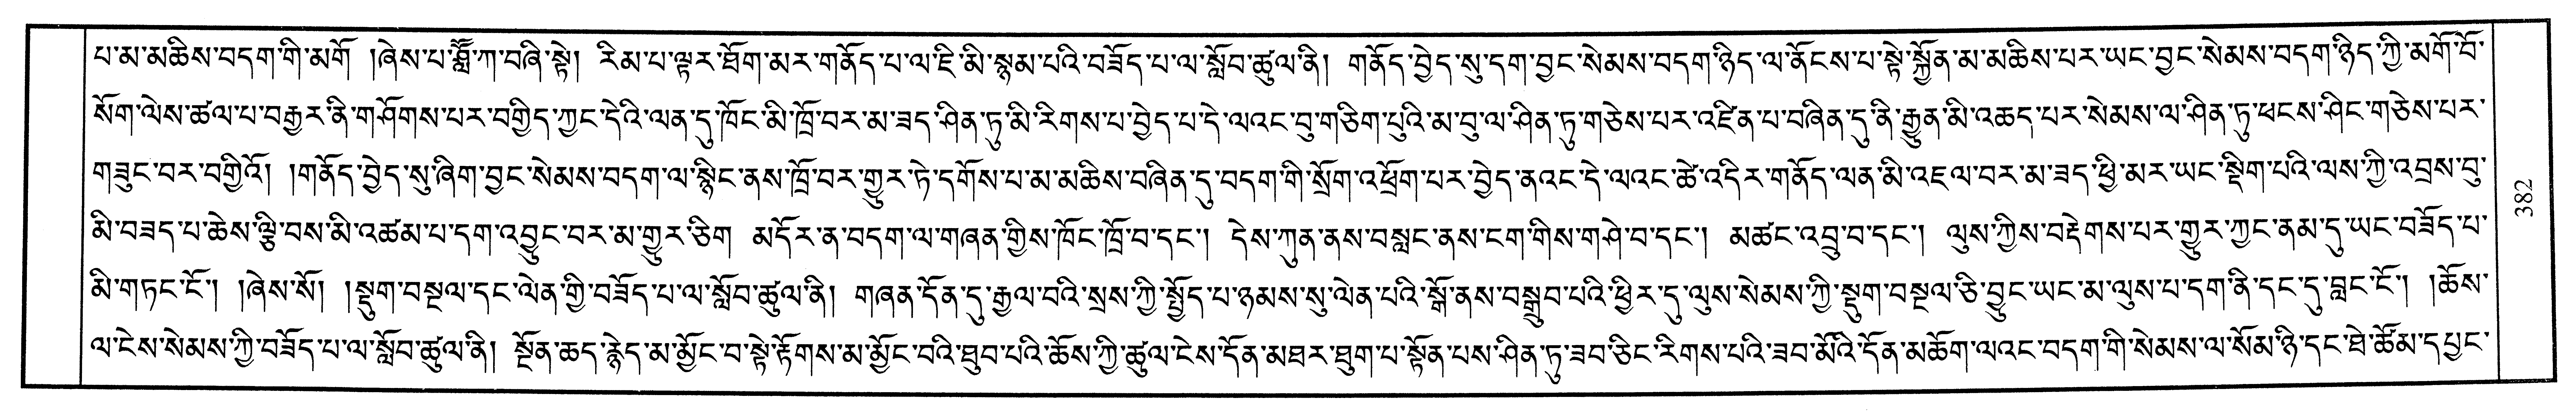པ་མ་མཆིས་བདག་གི་མགོ །ཞེས་པ་ཤླཽ་ཀ་བཞི་སྟེ། རིམ་པ་ལྟར་ཐོག་མར་གནོད་པ་ལ་ཇི་མི་སྙམ་པའི་བཟོད་པ་ལ་སློབ་ཚུལ་ནི། གནོད་བྱེད་སུ་དག་བྱང་སེམས་བདག་ཉིད་ལ་ནོངས་པ་སྟེ་སྐྱོན་མ་མཆིས་པར་ཡང་བྱང་སེམས་བདག་ཉིད་ཀྱི་མགོ་བོ་
སོག་ལེས་ཚལ་པ་བརྒྱར་ནི་གཤོགས་པར་བགྱིད་ཀྱང་དེའི་ལན་དུ་ཁོང་མི་ཁྲོ་བར་མ་ཟད་ཤིན་ཏུ་མི་རིགས་པ་བྱེད་པ་དེ་ལའང་བུ་གཅིག་པུའི་མ་བུ་ལ་ཤིན་ཏུ་གཅེས་པར་འཛིན་པ་བཞིན་དུ་ནི་རྒྱུན་མི་འཆད་པར་སེམས་ལ་ཤིན་ཏུ་ཕངས་ཤིང་གཅེས་པར་
གཟུང་བར་བགྱིའོ། །གནོད་བྱེད་སུ་ཞིག་བྱང་སེམས་བདག་ལ་སྙིང་ནས་ཁྲོ་བར་གྱུར་ཏེ་དགོས་པ་མ་མཆིས་བཞིན་དུ་བདག་གི་སྲོག་འཕྲོག་པར་བྱེད་ནའང་དེ་ལའང་ཚེ་འདིར་གནོད་ལན་མི་འཇལ་བར་མ་ཟད་ཕྱི་མར་ཡང་སྡིག་པའི་ལས་ཀྱི་འབྲས་བུ་
མི་བཟད་པ་ཆེས་ལྕི་བས་མི་འཚམ་པ་དག་འབྱུང་བར་མ་གྱུར་ཅིག་མདོར་ན་བདག་ལ་གཞན་གྱིས་ཁོང་ཁྲོ་བ་དང་། དེས་ཀུན་ནས་བསླང་ནས་ངག་གིས་གཤེ་བ་དང་། མཚང་འབྲུ་བ་དང་། ལུས་ཀྱིས་བརྡེགས་པར་གྱུར་ཀྱང་ནམ་དུ་ཡང་བཟོད་པ་
མི་གཏང་ངོ། །ཞེས་སོ། །སྡུག་བསྔལ་དང་ལེན་གྱི་བཟོད་པ་ལ་སློབ་ཚུལ་ནི། གཞན་དོན་དུ་རྒྱལ་བའི་སྲས་ཀྱི་སྤྱོད་པ་ཉམས་སུ་ལེན་པའི་སྒོ་ནས་བསྒྲུབ་པའི་ཕྱིར་དུ་ལུས་སེམས་ཀྱི་སྡུག་བསྔལ་ཅི་བྱུང་ཡང་མ་ལུས་པ་དག་ནི་དང་དུ་བླང་ངོ། །ཆོས་
ལ་ངེས་སེམས་ཀྱི་བཟོད་པ་ལ་སློབ་ཚུལ་ནི། སྔོན་ཆད་རྙེད་མ་མྱོང་བ་སྟེ་རྟོགས་མ་མྱོང་བའི་ཐུབ་པའི་ཆོས་ཀྱི་ཚུལ་ངེས་དོན་མཐར་ཐུག་པ་སྟོན་པས་ཤིན་ཏུ་ཟབ་ཅིང་རིགས་པའི་ཟབ་མོའི་དོན་མཆོག་ལའང་བདག་གི་སེམས་ལ་སོམ་ཉི་དང་ཐེ་ཚོམ་དཔྱང་